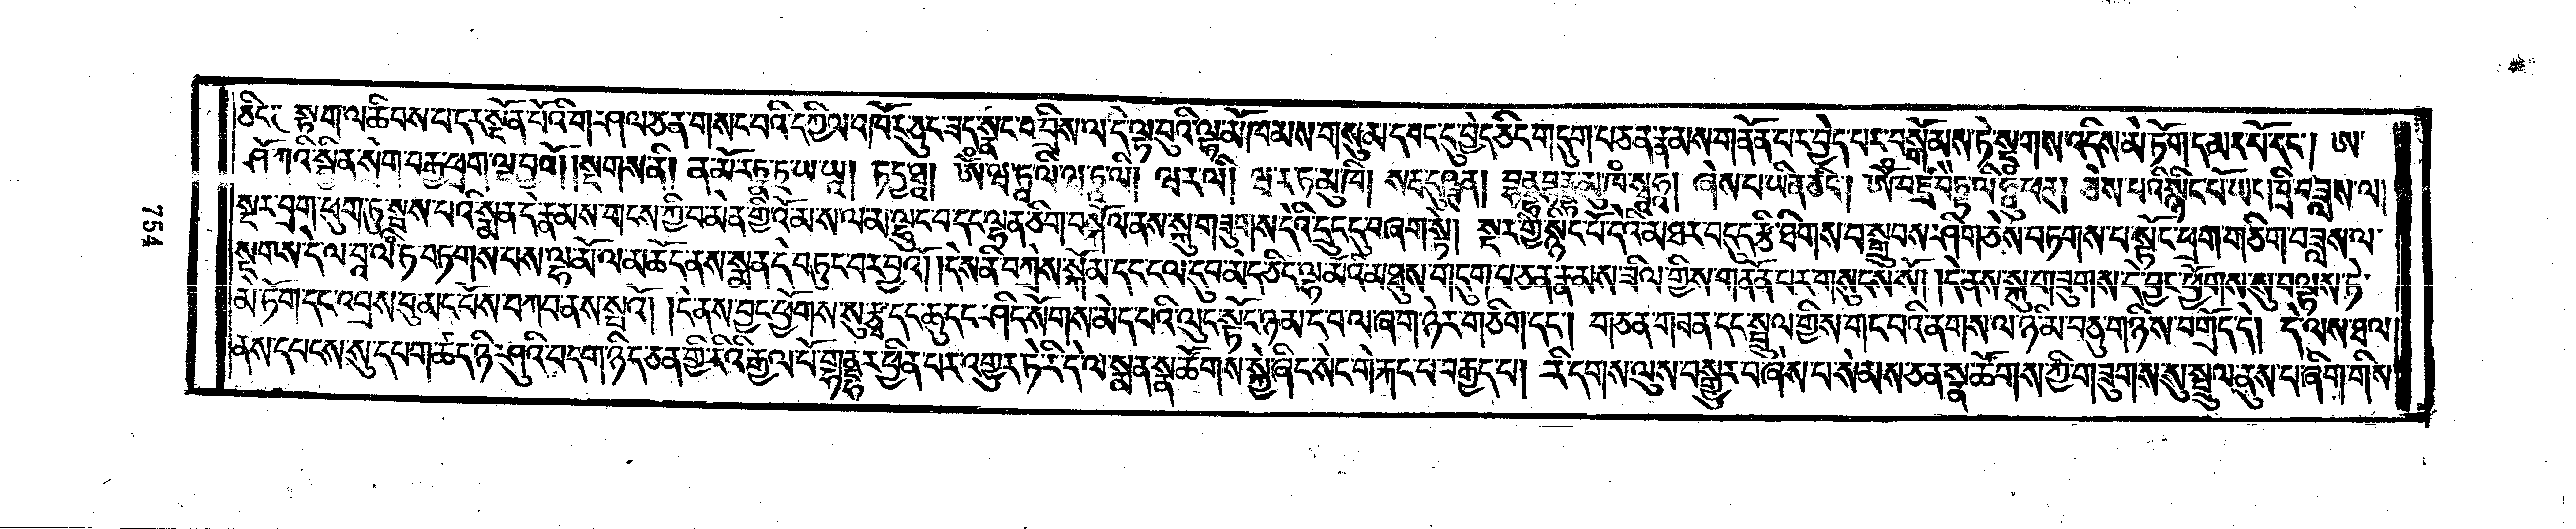ཅིང་ཊ་སྟག་ལ་ཆིབས་པ་དར་སྔོན་པོའི་ག་ཤལ་ཅན་གསང་བའི་དཀྱིལ་འཁོར་ཅུང་ཟད་སྣང་བ་བྲིས་ལ་དེ་ལྟ་བུའི་ལྷ་མོ་ཁམས་གསུམ་དབང་དུ་བྱེད་ཅིང་གདུག་པ་ཅན་རྣམས་གནོན་པར་བྱེད་པར་བསྒོམས་ཏེ་སྔགས་འདིས་མེ་ཏོག་དམར་པོ་དང་། ཨ་
ཤོ་ཀའི་སྦྱིན་སྲེག་བརྒྱ་ཕྲག་ལྔ་བྱའོ། །སྔགས་ནི། ན་མོ་རཏྣ་ཏྲ་ཡ་ཡཱ། ཏདྱ་ཐཱ། ཨོཾ་ཝ་ཏཱ་ལི་ཝ་ཏཱ་ལི། ཝ་ར་ཏ་མུ་ཁི། སརྦ་དུཥྚན། བྷནྡྷ་བྷྣྡྷ་མུ་ཁཾ་སྭཱ་ཧཱ། ཞེས་པ་ཡིན་ཅིང་། ཨོཾ་བཛྲ་བཻཏྟ་ལི་ཧཱུཾ་ཕཊ། ཅེས་པའི་སྙིང་པོ་ཡང་།བྲི་བཟླས་ལ།
སྔར་བྲག་ཕུག་ཏུ་སྦས་པའི་སྨན་དེ་རྣམས་གངས་ཀྱི་བ་མེན་གྱི་འོ་མ་ས་ལ་མ་ལྷུང་བ་དང་ལྷན་ཅིག་བསྐོལ་ནས་སྐུ་གཟུགས་དེའི་དྲུང་དུ་བཞག་སྟེ། སྔར་གྱི་སྙིང་པོ་དེའི་མཐར་བདུད་རྩི་ཐིགས་བསྒྲུབས་ཤིག་ཅེས་བཏགས་པས་ཏོང་ཕྲག་གཅིག་བཟླས་ལ་
སྔགས་དེ་ལ་བཱ་ལཾ་ཏི་བཏགས་པས་ལྷ་མོ་ལ་མཆོད་ནས་སྨན་དེ་བཏུང་བར་བྱའོ། །དེས་ནི་བཀྲེས་སྐོམ་དང་ངལ་དུབ་མེད་ཅིང་ལྷ་མོའི་མཐུས་གདུག་པ་ཅན་རྣམས་ཟིལ་གྱིས་གནོན་པར་གསུངས་སོ། །དེ་ནས་སྐུ་གཟུགས་དེ་བྱང་ཕྱོགས་སུ་བལྟས་ཏེ་
མེ་ཏོག་དང་འབྲས་བུ་མང་པོས་བཀབ་ནས་སྦའོ། །དེ་ནས་བྱང་ཕྱོགས་སུ་རྩྭ་དང་ཆུ་དང་ཤིང་སོགས་མེད་པའི་ལུང་སྟོང་ཉམ་ད་བ་ལ་ཞག་ཉེར་གཅིག་དང་། གཅན་གཟན་དང་སྦྲུལ་གྱིས་གང་བའི་ནགས་ལ་ཉི་མ་བཅུ་གཉིས་བགྲོད་དེ། དེ་ལས་ཐལ་
ནས་དཔངས་སུ་དཔག་ཚད་ཉི་ཤུའི་བདག་ཉིད་ཅན་གྱི་རིའི་རྒྱལ་པོ་གྷནྡྷ་ར་ཕྱིན་པར་འགྱུར་ཏེ་རི་དེ་ལ་སྨན་སྣ་ཚོགས་སྐྱེ་ཞིང་སེང་གེ་རྐང་བ་བརྒྱད་པ། རི་དགགས་ལུས་བསྒྱུར་བ་ཞེས་པ་སེམས་ཅན་སྣ་ཚོགས་ཀྱི་གཟུགས་སུ་སྤྲུལ་ནུས་པ་ཞིག་གིས་